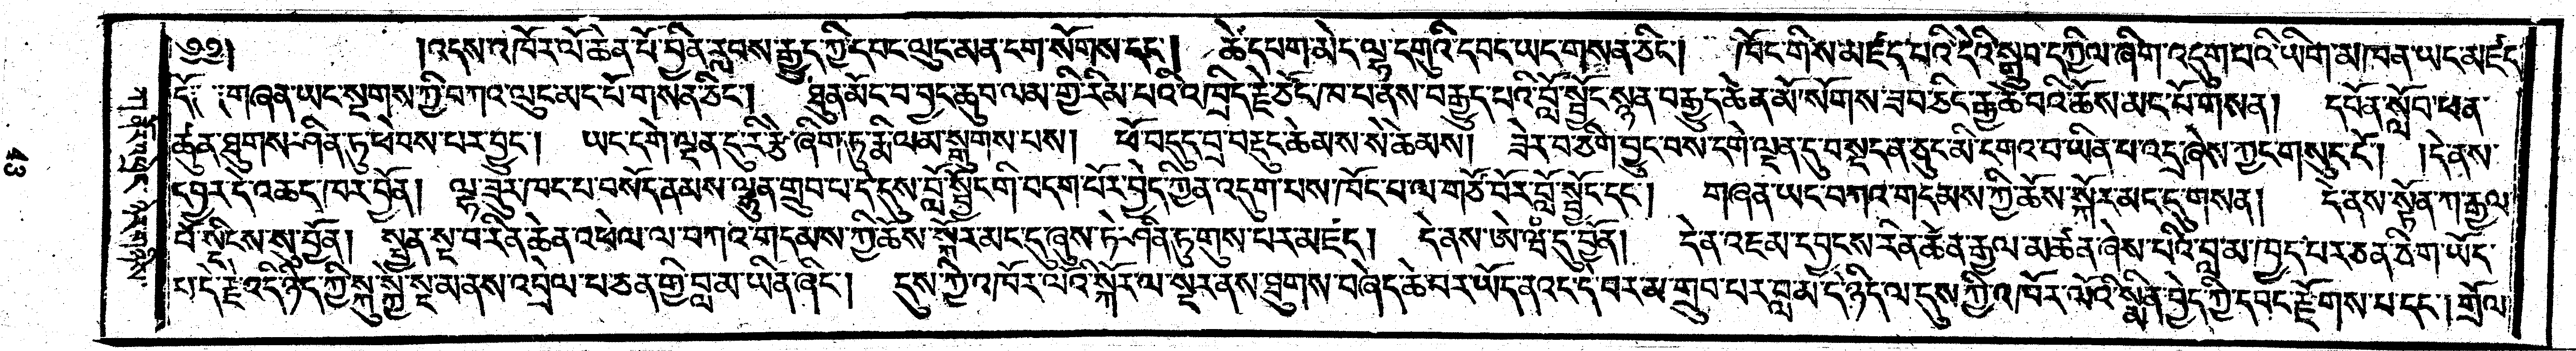༄༅། །འདས་འཁོར་ལོ་ཆེན་པོ་བྱིན་རླབས་རྒྱུད་ཀྱི་དབང་ལུང་མན་ངག་སོགས་དང་། ཚེ་དཔག་མེད་ལྷ་དགུའི་དབང་ཡང་གསན་ཅིང་། ཁོང་གིས་མཛད་པའི་དེའི་སྒྲུབ་དཀྱིལ་ཞིག་འདུག་པའི་ཡིག་མཁན་ཡང་མཛད་
དོ༑ ༑གཞན་ཡང་སྔགས་ཀྱི་བཀའ་ལུང་མང་པོ་གསན་ཅིང་། ཐུན་མོང་བ་བྱང་ཆུབ་ལམ་གྱི་རིམ་པའི་འཁྲིད་རྗེ་ཙོང་ཁ་པ་ནས་བརྒྱུད་པའི་བློ་སྦྱོང་སྙན་བརྒྱུད་ཆེན་མོ་སོགས་ཟབ་ཅིང་རྒྱ་ཆེ་བའི་ཆོས་མང་པོ་གསན། དཔོན་སློབ་ཕན་
ཚུན་ཐུགས་ཤིན་ཏུ་ཕེབས་པར་བྱུང་། ཡང་དགེ་ལྡན་དུ་རི་རྩེ་ཞིག་ཏུ་རྨི་ལམ་སྒུགས་པས། ཕོ་བདུད་བྲ་བརྡུང་ཆེམས་སེ་ཆེམས། ཟེར་བ་ཅིག་བྱུང་བས་དགེ་ལྡན་དུ་བསྡད་ན་ཅུང་མི་དགའ་བ་ཡིན་པ་འདྲ་ཞེས་ཀྱང་གསུང་ངོ། །དེ་ནས་
དབྱར་དེ་འཆད་ཁར་བྱོན། ལྷ་ཟུར་ཁང་པ་བསོད་ནམས་ལྷུན་གྲུབ་པ་དེ་དུས་བློ་སྦྱོང་གི་བདག་པོར་བྱེད་ཀྱིན་འདུག་པས་ཁོང་པ་ལ་གཙོ་བོར་བློ་སྦྱོང་དང་། གཞན་ཡང་བཀའ་གདམས་ཀྱི་ཆོས་སྐོར་མང་དུ་གསན། དེ་ནས་སྟོན་ཀ་རྒྱལ་
བོ་སྡིངས་སུ་བྱོན། སྤྱན་སྔ་བ་རིན་ཆེན་འཕེལ་ལ་བཀའ་གདམས་ཀྱི་ཆོས་སྐོར་མང་དུ་ཞུས་ཏེ་ཤིན་ཏུ་གུས་པར་མཛད། དེ་ནས་ཨེ་ཝཾ་དུ་བྱོན། དེ་ན་འཇམ་དབྱངས་རིན་ཆེན་རྒྱལ་མཚན་ཞེས་པའི་བླ་མ་ཁྱད་པར་ཅན་ཅིག་ཡོད་
པ་དེ་རྗེ་འདི་ཉིད་ཀྱི་སྐུ་སྐྱེ་སྔ་མ་ནས་འབྲེལ་བ་ཅན་གྱི་བླ་མ་ཡིན་ཞིང་། དུས་ཀྱི་འཁོར་ལོའི་སྐོར་ལ་སྔར་ནས་ཐུགས་བཞེད་ཆེ་བར་ཡོད་ནའང་དེ་བར་མ་གྲུབ་པར་བླ་མ་དེ་ཉིད་ལ་དུས་ཀྱི་འཁོར་ལོའི་སྨིན་བྱེད་ཀྱི་དབང་རྫོགས་པ་དང་། གྲོལ་